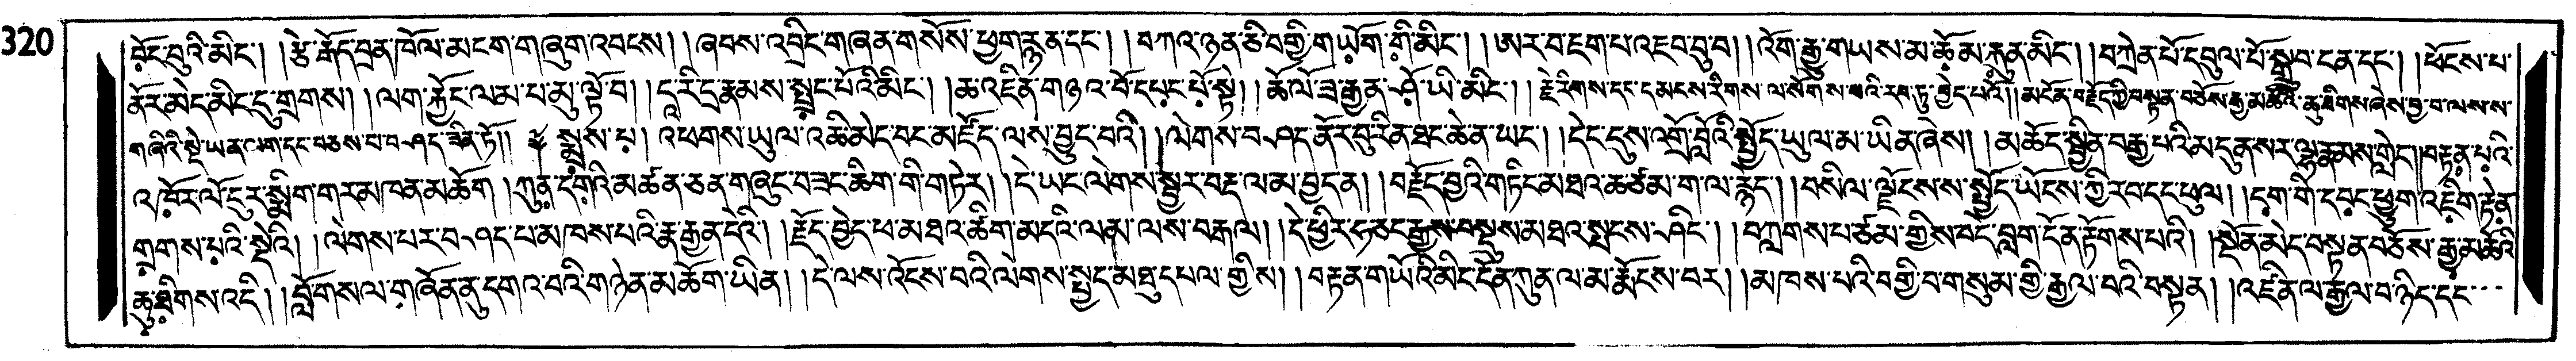བོང་བུའི་མིང་། །རྩེ་རྒོད་བྲན་ཁོལ་མང་གཞུག་འབངས། །ཞབས་འབྲིང་གཞན་གསོས་ཕྱག་རྙན་དང་། བཀའ་ཉན་ཅི་བགྱི་གཡོག་རི་མིང་། །ཨར་བརྗབ་བུ་པ། །འོག་རྒྱུ་གཡས་མཆོ་མ་རྐུན་མིང་། །བཀྲེན་པོ་དབུལ་པོ་སྒྲུབ་ངན་དང་། ཕོངས་པ་
ནོར་མེད་མིང་དུ་གྲགས། །ལགས་རྐྱོང་ལམ་པ་མུ་ལྟོ་བ། དཱ་རི་དྲ་རྣམས་སྤརང་པོའི་མིང་། །ཆ་འཛིན་མཉའ་པོ་དཔྱང་པོ་སྟེ། །ཆོ་ལོ་ཟ་རྒྱན་ཤོ་ཡི་མིང་། །རྗེ་རིགས་དང་དམར་རིགས་ལ་སོགས་པའི་རབ་ཏུ་བྱེད་པའི། །མངོན་བརྗོད་ཀྱི་བསྟན་བཅོས་རྒྱལ་མཚོའི་ཆུ་ཟིགས་ཞེས་བྱ་བ་ལས་ས་
གཞའི་སྡེ་ཡན་ལག་དང་བཅས་པ་བཤད་ཟིན་ཏོ། འ་སྨྲས་པ། ཕགས་ཡུལ་འཆི་མེད་ནང་མཛོད་ལས་བྱུང་འབའི། །ལེགས་བཤད་ནོར་བུ་རིན་ཐང་ཆེན་ཡང་། །དེང་དུས་འགྲོ་བློའི་སྤྱོད་ཡུལ་མ་ཡིན་ཞེས། །མཆོད་སྤྱིན་བརྒྱ་པའི་མདུན་སར་ལྷ་རྣམས་གླེང་། །བརྟན་པའི་
འཁོར་ལོ་ངུར་སྨིག་གུར་མཁན་མཆོག། །ཀུན་དགའི་མཚན་ཅན་གཞུང་བཟང་ཆིང་གི་གཏེར། །དེ་ཡང་ལེགས་སྦྱར་བརྡ་ལམ་བྱད་ན། །བརྗོད་བྱའི་གཏིང་མཐའ་ཆ་ཙམ་ག་ལ་རྙེད། །བསིལ་ལྗོངས་སྤྱོད་ཡོངས་ཀྱི་རབ་དང་ཕུལ། །ངག་གི་དབང་ཕུག་འཇིག་རྟེན་
གྲགས་པའི་སྡེའི། །ལེགས་པར་བཤད་པ་མཁས་པའི་རྣ་རྒྱན་དེའི། །རྗོད་བྱེད་ཕ་མཐའ་ཚིག་མདའི་ལམ་ལས་བརྒྱ་ལ། །དེ་ཕྱིར་ཧ་ཅང་རྒྱས་བསྡུས་མཐའ་སྤངས་ཤིང་། །བཀླགས་པ་ཙམ་གྱིས་བདེ་བླག་དོན་རྟོགས་པའི། །སྔོན་མེད་བསྟན་བཅོས་རྒྱུ་མཚོའི་
ཆུ་ཐིགས་འདི། །བློ་གསལ་གཞོན་ནུ་དགའ་བའི་གཉེན་མཆོག་ཡིན། །དེ་ལས་འོངས་པའི་ལེགས་སྤྱད་མཐུ་དཔལ་གྱི་ས། །བརྟན་གཡོའི་མིང་དོན་ཀུན་ལམ་རྨོངས་པར། །མཁས་པའི་བགྱི་བ་གསུམ་གྱི་རྒྱལ་བའི་བསྟན། །འཛིན་པ་རྒྱལ་བ་ཉིད་དང་